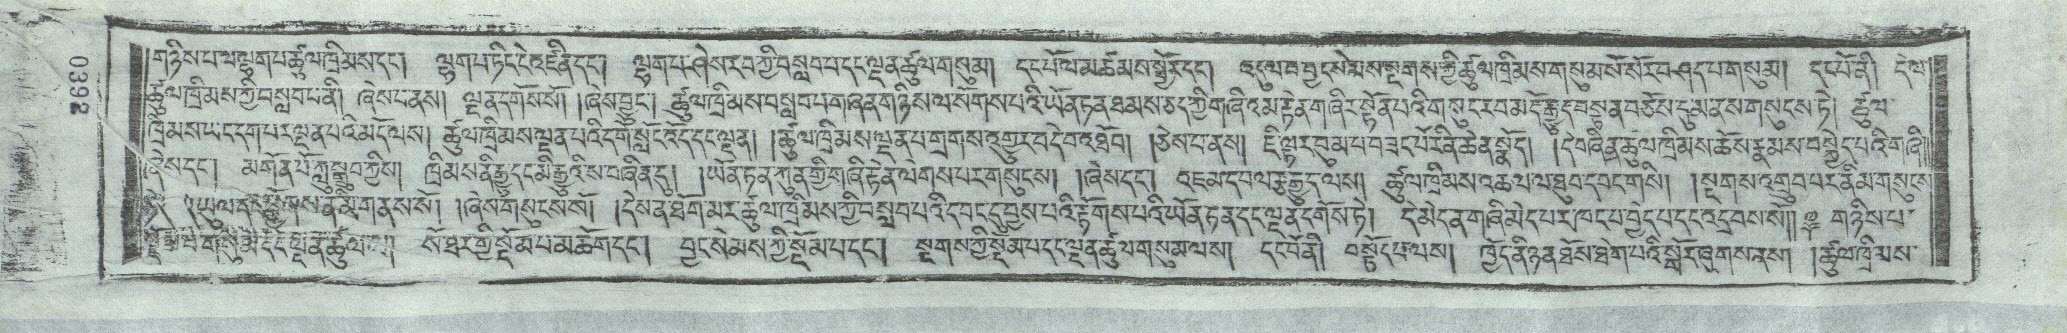གཉིས་པ་ལ་ལྷག་པ་ཚུལ་ཁྲིམས་དང་། ལྷག་པ་ཏིང་ངེ་འཛིན་དང་། ལྷག་པ་ཤེས་རབ་ཀྱི་བསླབ་པ་དང་ལྡན་ཚུལ་གསུམ། དང་པོ་ལ་མཚམས་སྦྱོར་དང་། འདུལ་བ་བྱང་སེམས་སྔགས་ཀྱི་ཚུལ་ཁྲིམས་གསུམ་སོ་སོར་བཤད་པ་གསུམ། དང་པོ་ནི། དེ་ལ་
ཚུལ་ཁྲིམས་ཀྱི་བསླབ་པ་ནི། ཞེས་པ་ནས། ལྡན་དགོས་སོ། །ཞེས་བྱུང་། ཚུལ་ཁྲིམས་བསླབ་པ་གཞན་གཉིས་ལ་སོགས་པའི་ཡོན་ཏན་ཐམས་ཅད་ཀྱི་གཞི་འམ་རྟེན་གཞིར་སྟོན་པའི་གསུང་རབ་མདོ་རྒྱུད་བསྟན་བཅོས་དུ་མ་ནས་གསུངས་ཏེ། ཚུལ་
ཁྲིམས་ཡང་དག་པར་ལྡན་པའི་མདོ་ལས། ཚུལ་ཁྲིམས་ལྡན་པའི་དགེ་སློང་འོད་དང་ལྡན། །ཚུལ་ཁྲིམས་ལྡན་པ་གྲགས་འགྱུར་བདེ་བ་འཐོབ། །ཅེས་པ་ནས། ཇི་ལྟར་བུམ་པ་བཟང་པོ་རིན་ཆེན་སྣོད། །དེ་བཞིན་ཚུལ་ཁྲིམས་ཆོས་རྣམས་བསྐྱེད་པའི་གཞི།།
ཞེས་དང་། མགོན་པོ་ཀླུ་སྒྲུབ་ཀྱིས། ཁྲིམས་ནི་རྒྱུ་དང་མི་རྒྱུའི་ས་བཞིན་དུ། །ཡོན་ཏན་ཀུན་གྱི་གཞི་རྟེན་ལེགས་པར་གསུངས། །ཞེས་དང་། འཇམ་དཔལ་རྩ་རྒྱུད་ལས། ཚུལ་ཁྲིམས་འཆལ་ལ་ཐུབ་དབང་གིས། །སྔགས་འགྲུབ་པར་ནི་མ་གསུངས་
ཏེ༑ ༑ཡུལ་དང་ཕྱོགས་ན་མི་ངས་སོ། །ཞེས་གསུངས་སོ། །དེས་ན་ཐོག་མར་ཚུལ་ཁྲིམས་ཀྱི་བསླབ་པའི་དབང་དུ་བྱས་པའི་རྟོགས་པའི་ཡོན་ཏན་དང་ལྡན་དགོས་ཏེ། དེ་མེད་ན་གཞི་མེད་པར་ཁང་བྱེད་པ་དང་འདྲ་བས་སོ།། ༈ གཉིས་པ་
སྡོམ་པ་གསུམ་དང་ལྡན་ཚུལ་ལ། སོ་ཐར་གྱི་སྡོམ་པ་མཆོག་དང་། བྱང་སེམས་ཀྱི་སྡོམ་པ་དང་། སྔགས་ཀྱི་སྡོམ་པ་དང་ལྡན་ཚུལ་གསུམ་ལས། དང་པོ་ནི། བསྟོད་པ་ལས། ཁྱོད་ནི་ཉན་ཐོས་ཐེག་པའི་སྒོར་ཞུགས་ནས། །ཚུལ་ཁྲིམས་